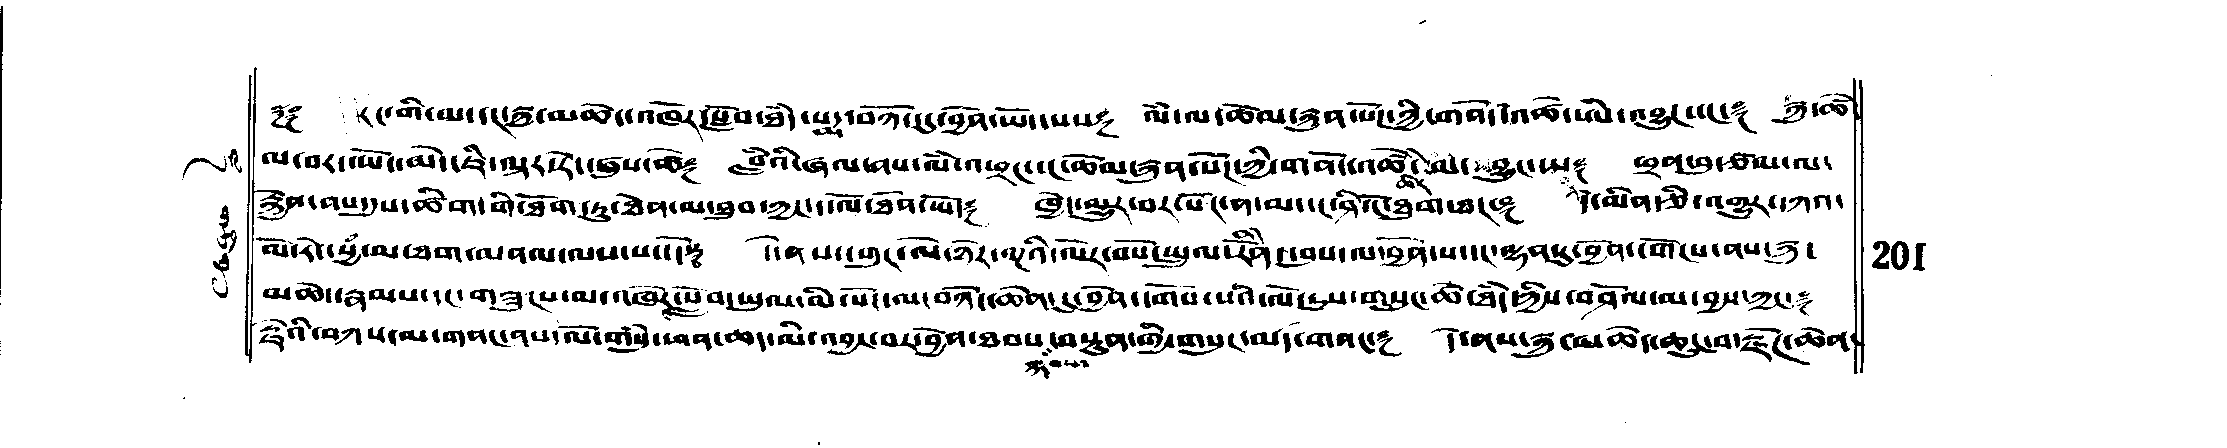རང་གི་མ་དང་སྐུ་མཆེད་འཁོར་སློབ་ཐམས་ཅད་པདྨ་བཀོད་དུ་བྱོན་ཡོད་པས། ལམ་ལ་ཆོམ་རྐུན་སོགས་ཀྱི་གནོད་འཚེ་ཨི་འབྱུང་དང་། སྐུ་ཚེ་
ལ་བར་ཆད་ཡོད་མེད་ཇི་ལྟར་རེད་ཞུས་ཚེ། བླ་མའི་ཞལ་ནས་ལམ་འཕྲང་དང་ཆོམ་རྐུན་སོགས་ཀྱི་གནོད་འཚེ་ཆེར་མ་འབྱུང་ཡང་། ཕྲན་བུ་ཙམ་ལ་
རྐྱེན་ནས་དུས་ཚིག་གི་ཐོག་ཏུ་ཐོན་མ་ཐུབ་ཀྱང་ད་ལོ་ཐོན་ཡོད། ཁྱེད་མྱུར་བར་སོང་ན་མ་དང་ཤི་ངོ་ཐུག་ཐང་། དེ་མིན་ཅི་འགྱུར་དཀའ་
མོ་རེད་གསུང་མ་ཐག་མནལ་ལས་སད་དོ། དེ་ནས་དགུང་ལོ་ཉེར་ལྔའི་ལོར་བསོ་སྤྲུལ་རིན་པོ་ཆེ་དབུས་ལ་བྱོན་པ་དང་ལྷན་དུ་བྱོན་དགོངས་ནས་སྐུ་
མཆེད་རྣམས་དང་གཟུངས་མ་འཁོར་སློབ་ཡུལ་མི་སོགས་ལ་བཀོད་ཆེན་དུ་བྱོན་དགོས་པའི་ལོ་རྒྱུས་གསུང་ཚེ་ཐམས་ཅད་ཀྱིས་བཤོལ་མ་བྱས་ཀྱང་། 
རྗེའི་བཀས་མ་གནང་ནས་ལོ་གསུམ་ཕན་ཆད་མི་འབྱང་བར་བྱོན་ཐབས་སྐབས་བསྟུན་གྱི་གསུང་མཛད་གནང་། དེ་ནས་སྐུ་མཆེད་ཆུང་བ་རྫོགས་ཆེན་